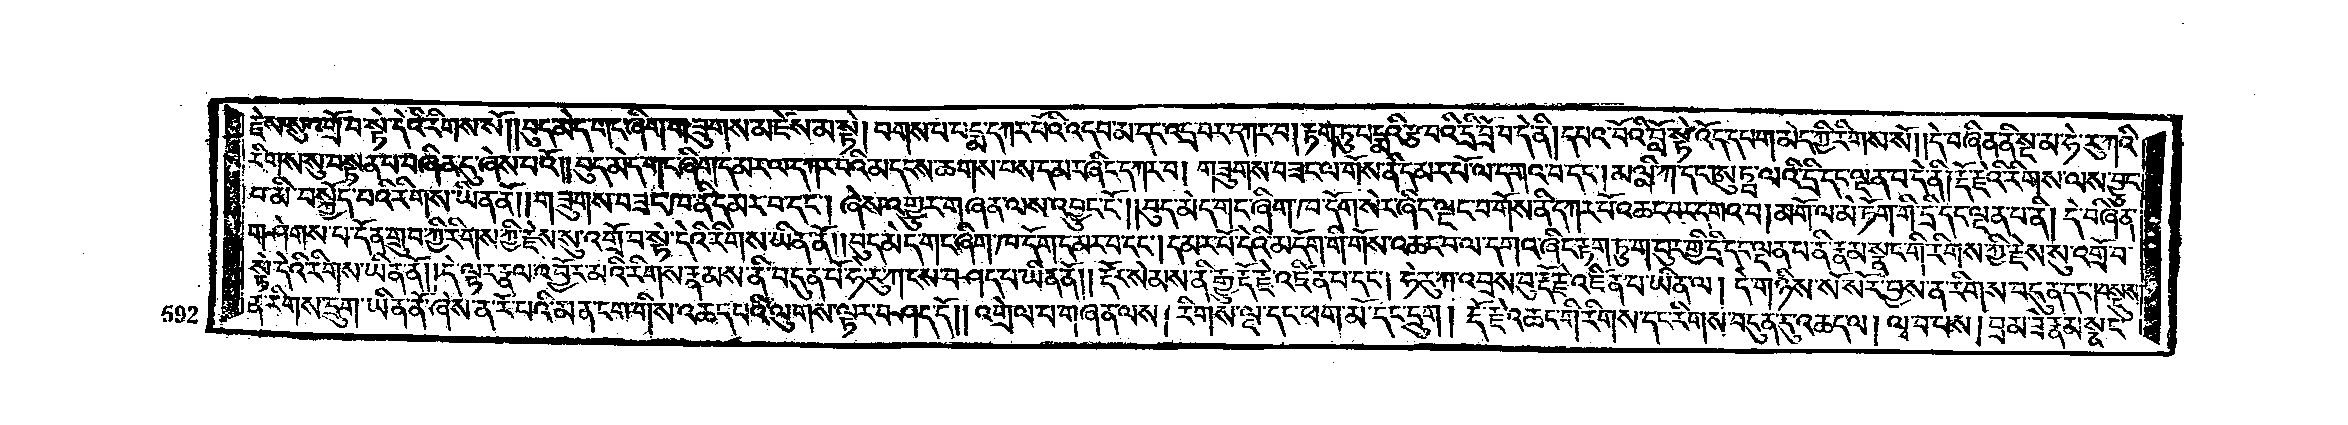རྗེས་སུ་འགྲོ་བ་སྟེ་དེའི་རིགས་སོ། །བུད་མེད་གང་ཞིག་གཟུགས་མཛེས་མ་སྟེ། པགས་པ་པདམ་དཀར་པོའི་འདབ་མ་དང་འདྲ་བར་དཀར་བ། རྟག་ཏུ་པདམའི་རྩ་བའི་དྲི་བྲོ་བ་དེ་ནི། དཔའ་བོའི་བློ་སྟེ་འོད་དཔག་མེད་ཀྱི་རིགས་སོ། །དེ་བཞིན་ནི་སྔ་མ་ཧེ་རུ་ཀའི་
རིགས་སུ་བསྟན་པ་བཞིན་དུ་ཞེས་པའོ། །བུད་མེད་གང་ཞིག་དམར་ལ་དཀར་བའི་མདངས་ཆགས་པས་དམར་ཞིང་དཀར་བ། གཟུགས་བཟང་ལ་གོས་ནི་དམར་པོ་ལ་དགའ་བ་དང་། མ་ལཱི་ཀ་དང་ཨུཏྤ་ལའི་དྲི་དང་ལྡན་པ་དེ་ནི། རྡོ་རྗེའི་རིགས་ལས་བྱུང་
བ་མི་བསྐྱོད་པའི་རིགས་ཡིན་ནོ། །གཟུགས་བཟང་ཁ་ནི་དམར་བ་དང་། ཞེས་འགྱུར་གཞན་ལས་འབྱུང་ངོ། །བུད་མེད་གང་ཞིག་ཁ་དོག་སེར་ཞིང་ལྡང་བ་གོས་ནི་དཀར་པོ་འཆང་བར་དགའ་བ། མགོ་ལ་མེ་ཏོག་གི་དྲི་དང་ལྡན་པ་ནི། དེ་བཞིན་
གཤེགས་པ་དོན་གྲུབ་ཀྱི་རིགས་ཀྱི་རྗེས་སུ་འགྲོ་བ་སྟེ་དེའི་རིགས་ཡིན་ནོ། །བུད་མེད་གང་ཞིག་ཁ་དོག་དམར་བ་དང་། དམར་པོ་དེའི་མདོག་གི་གོས་འཆང་བ་ལ་དགའ་ཞིང་རྟག་ཏུ་ག་པུར་གྱི་དྲི་དང་ལྡན་པ་ནི་རྣམ་སྣང་གི་རིགས་ཀྱི་རྗེས་སུ་འགྲོ་བ་
སྟེ་དེའི་རིགས་ཡིན་ནོ། །དེ་ལྟར་རྣལ་འབྱོར་མའི་རིགས་རྣམས་ནི་བདུན་པོ་ཧེ་རུ་ཀ་ངས་བཤད་པ་ཡིན་ནོ། །རྡོར་སེམས་ནི་རྒྱུ་རྡོ་རྗེ་འཛིན་པ་དང་། ཧེ་རུ་ཀ་འབྲས་བུ་རྡོ་རྗེ་འཛིན་པ་ཡིན་ལ། དེ་གཉིས་སོ་སོར་བྱས་ན་རིགས་བདུན་དང་། བསྡུས་
ན་རིགས་དྲུག་ཡིན་ནོ་ཞེས་ནཱ་རོ་པའི་མན་ངག་གིས་འཆད་པའི་ལུགས་ལྟར་བཤད་དོ། །འགྲེལ་པ་གཞན་ལས། རིགས་ལྔ་དང་ཕག་མོ་དང་དྲུག །རྡོ་རྗེ་འཆང་གི་རིགས་དང་རིགས་བདུན་དུ་འཆད་ལ། ལྭ་བ་པས། བྲམ་ཟེ་རྣམ་སྣང་